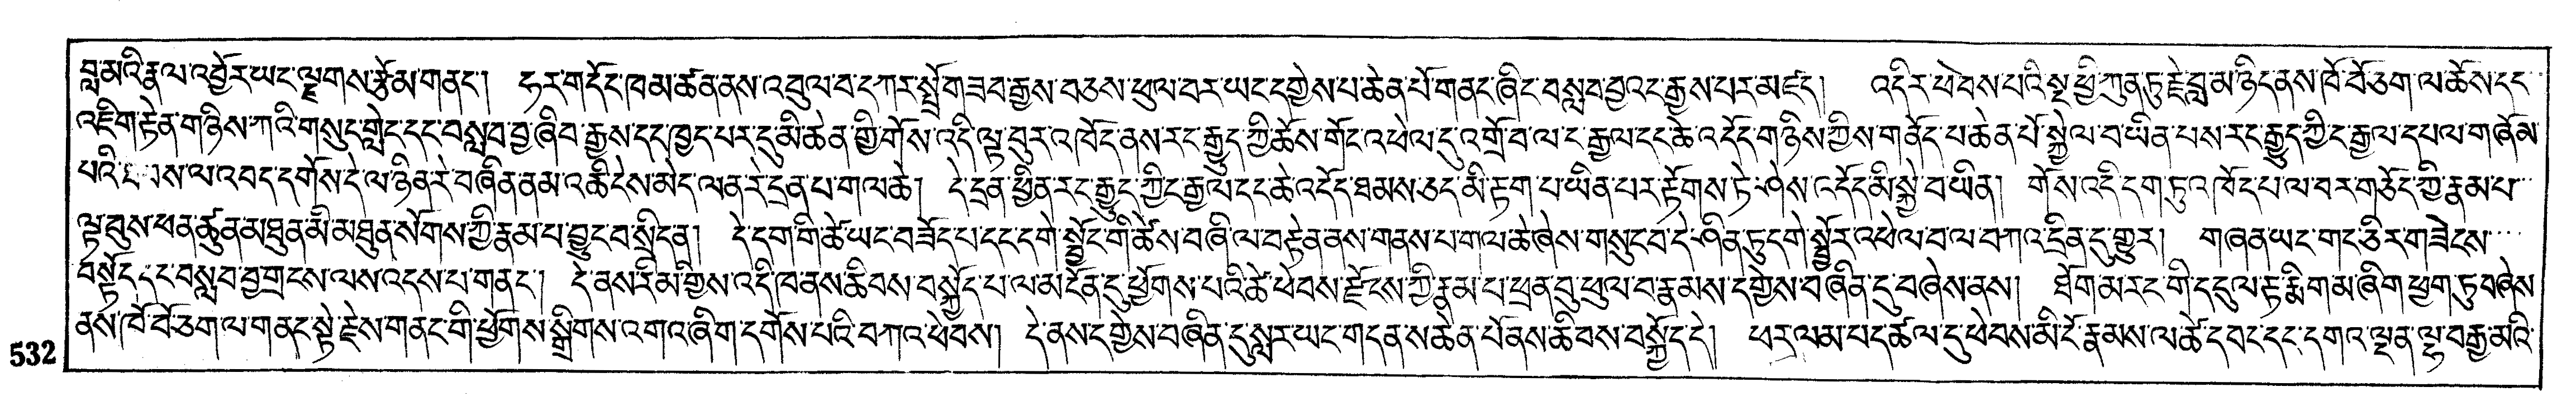བླ་མའི་རྣལ་འབྱོར་ཡང་ལྗགས་རྩོམ་གནང་། ཧར་གདོང་ཁམ་ཚན་ནས་འབུལ་བ་དཀར་སྦྲོ་གཟབ་རྒྱས་བཅས་ཕུལ་བར་ཡང་དགྱེས་པ་ཆེན་པོ་གནང་ཞིང་བསླབ་བྱའང་རྒྱས་པར་མཛད། འདིར་ཕེབས་པའི་སྔ་ཕྱི་ཀུན་ཏུ་རྗེ་བླ་མ་ཉིད་ནས་ཁོ་བོ་ཅག་ལ་ཆོས་དང་
འཇིག་རྟེན་གཉིས་ཀའི་གསུང་གླེང་དང་བསླབ་བྱ་ཞིབ་རྒྱས་དང་ཁྱད་པར་དུ་མི་ཆེན་གྱི་གོ་ས་འདི་ལྟ་བུར་འཁོད་ནས་རང་རྒྱུད་ཀྱི་ཆོས་གོང་འཕེལ་དུ་འགྲོ་བ་ལ་ང་རྒྱལ་དང་ཆེ་འདོད་གཉིས་ཀྱིས་གནོད་པ་ཆེན་པོ་སྐྱེལ་བ་ཡིན་བས་རང་རྒྱུད་ཀྱི་ང་རྒྱལ་དབལ་གཞོམ་
པའི་ཐབས་ལ་འབད་དགོས་དེ་ལ་ཉིན་རེ་བཞིན་ནམ་འཆི་ངེས་མེད་ལན་རེ་དྲན་པ་གལ་ཆེ། དེ་དྲན་ཕྱིན་རང་རྒྱུད་ཀྱི་ང་རྒྱལ་དང་ཆེ་འདོད་ཐམས་ཅད་མི་རྟག་པ་ཡིན་པར་རྟོགས་ཏེ་ཤེས་འདོད་མི་སྐྱེ་བ་ཡིན། གོ་ས་འདི་དག་ཏུ་འཁོད་པ་ལ་བར་གཅོད་ཀྱི་རྣམ་པ་
ལྟ་བུས་པན་ཚུན་མཐུན་མི་མཐུན་སོགས་ཀྱི་རྣམ་པ་བྱུང་བ་སྲིད་ན། དེ་དག་གི་ཚེ་ཡང་བཟོད་པ་དང་དགེ་སྦྱོང་གི་ཆོས་བཞི་ལ་བརྟེན་ནས་གནས་པ་གལ་ཆེ་ཞེས་གསུང་པ་དེ་ཤིན་ཏུ་དགེ་སྦྱོར་འཕེལ་བ་ལ་བཀའ་དྲིན་དུ་གྱུར། གཞན་ཡང་གང་ཅིར་གཟེངས་
བསྟོད་དང་བསླབ་བྱ་གྲངས་ལས་འདས་པ་གནང་། དེ་ནས་རིམ་གྱིས་འདི་ཁ་ནས་ཆིབས་བསྐྱོད་པ་ལ་མངོན་དུ་ཕྱོགས་པའི་ཚེ་ཕེབས་རྫོངས་ཀྱི་རྣམ་པ་ཕྲན་བུ་ཕུལ་བ་རྣམས་དགྱེས་བཞིན་དུ་བཞེས་ནས། ཐོག་མ་རང་གི་དངུལ་རྟ་རྨིག་མ་ཞིག་ཕྱག་ཏུ་བཞེས་
ནས་ཁོ་བོ་ཅག་ལ་གནང་སྟེ་རྗེས་གནང་གི་ཕྱོགས་སྒྲིགས་འགའ་ཞིག་དགོས་པའི་བཀའ་ཕེབས། དེ་ནས་དགྱེས་བཞིན་དུ་སླར་ཡང་གདན་ས་ཆེན་པོ་ནས་ཆིབས་བསྐྱོད་དེ། ཕར་ལམ་པད་ཚལ་དུ་ཕེབས་མི་དོ་རྣམས་ལ་ཚེ་དབང་དང་དགའ་ལྡན་ལྟ་བརྒྱ་མའི་